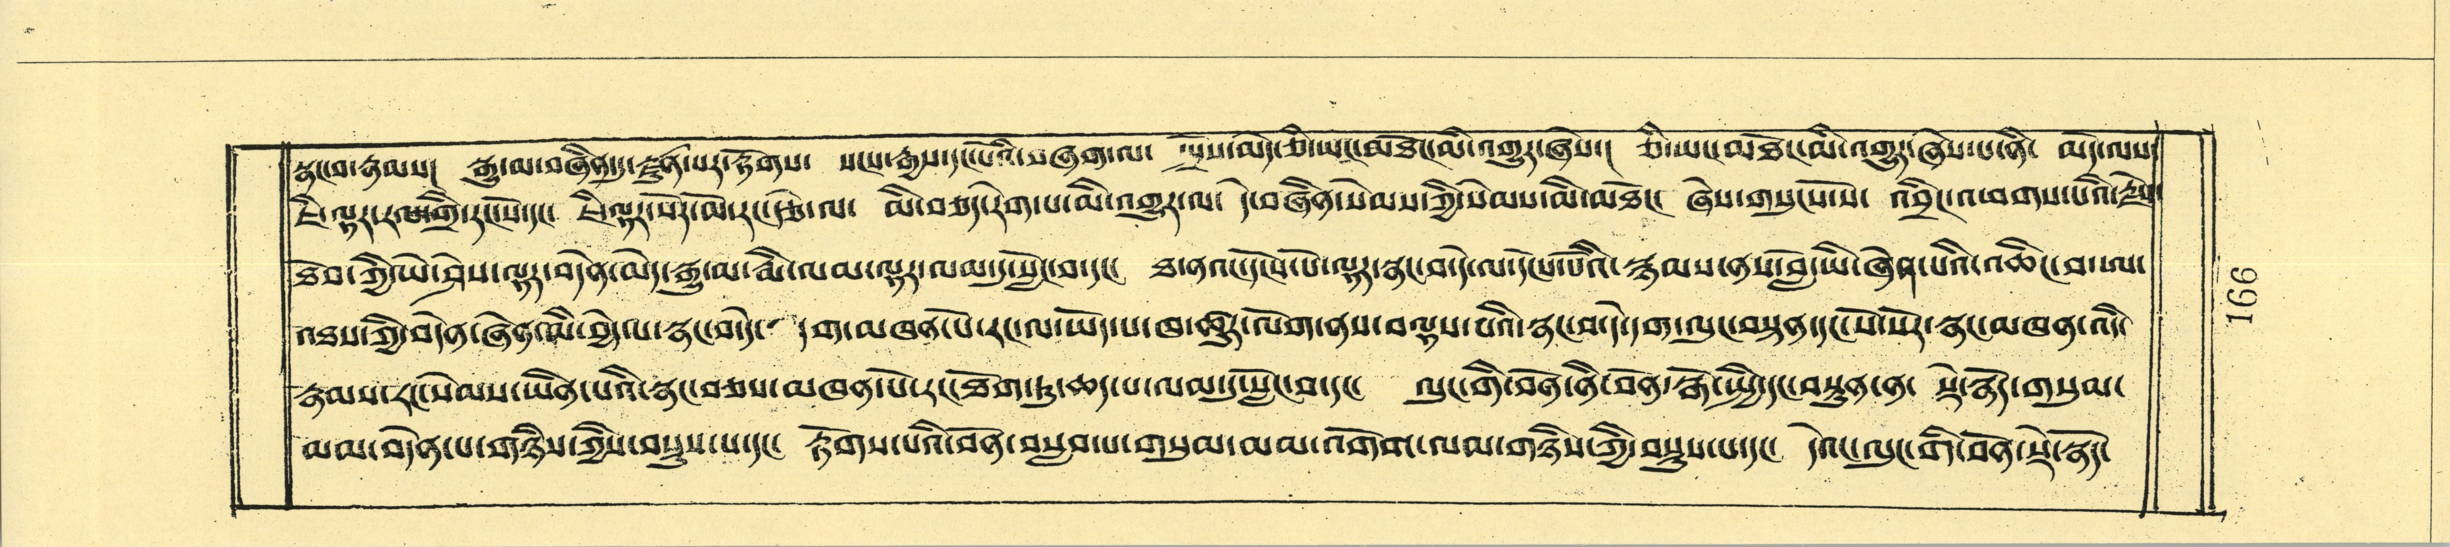སྣང་བ་རྣམས། སྒྱུ་མ་བཞིན་དུ་རྫུན་པར་རྟོགས། སངས་རྒྱས་དང་པོའི་མཉམ་གཞག་ལ། སྤྲོས་མེད་ཅི་ཡང་མཐོང་མི་འགྱུར། ཅི་ཡང་མཐོང་མི་འགྱུར་ཞེས་པ་ནི། མདོ་ལས་
ཇི་ལྟར་རལ་གྲི་རང་སོ་དང་། ཇི་ལྟར་སོར་མོ་རང་རྩེ་རང་རྩེ་ལ། མི་བཅད་རེག་པ་མི་འགྱུར་ལ། དེ་བཞིན་སེམས་ཀྱི་སེམས་མི་མཐོང་། ཞེས་གསུངས་སོ། འབྲིང་འཕགས་པའི་རྗེས་
ཐོབ་ཀྱི་ཡེ་ཤེས་ལྟར་བདེན་མེད་སྒྱུ་མ་རྨི་ལམ་ལྟར་ལམ་དུ་སློང་བ་དང་། ཐ་ནའང་དངོས་པོ་ལྟར་སྣང་བ་དེ་ལ་དངོས་པོའི་སྙམ་ནས་བློ་ཡི་ཞེན་པའི་འཆིང་བ་ཨ་
འཐས་ཀྱི་བདེན་ཞེན་མི་བྱེད་པ་སྣང་བ་དེ། དག་མཁན་པོ་རང་ལ་ཡོད་པ་ཁ་ཚུར་ལོག་ནས་བལྟས་པའི་སྣང་བ་དེ་དག་ལུང་བསྟན་དང་སོ་སོར་སྣང་མཁན་འདི་
རྣམས་རང་སེམས་ཡིན་པའི་སྣང་བཅས་མཁན་པོ་རང་ཐོག་ཏུ་ཆད་པ་ལམ་དུ་སློང་བ་དང་། ལུང་གི་བོན་ནི་བོན་སྒོ་སྤྱི་དང་བསྟུན་ན། སྡེ་སྣོད་གསུམ་
མམ་བདེན་པ་གཉིས་ཀྱིས་བསྡུས་པ་དང་། རྟོགས་པའི་བོན་བསླབ་པ་གསུམ་མམ་འགོག་ལམ་གཉིས་ཀྱིས་བསྡུས་པ་དང་། དེའང་ལུང་གི་བོན་སྡེ་སྣོད་